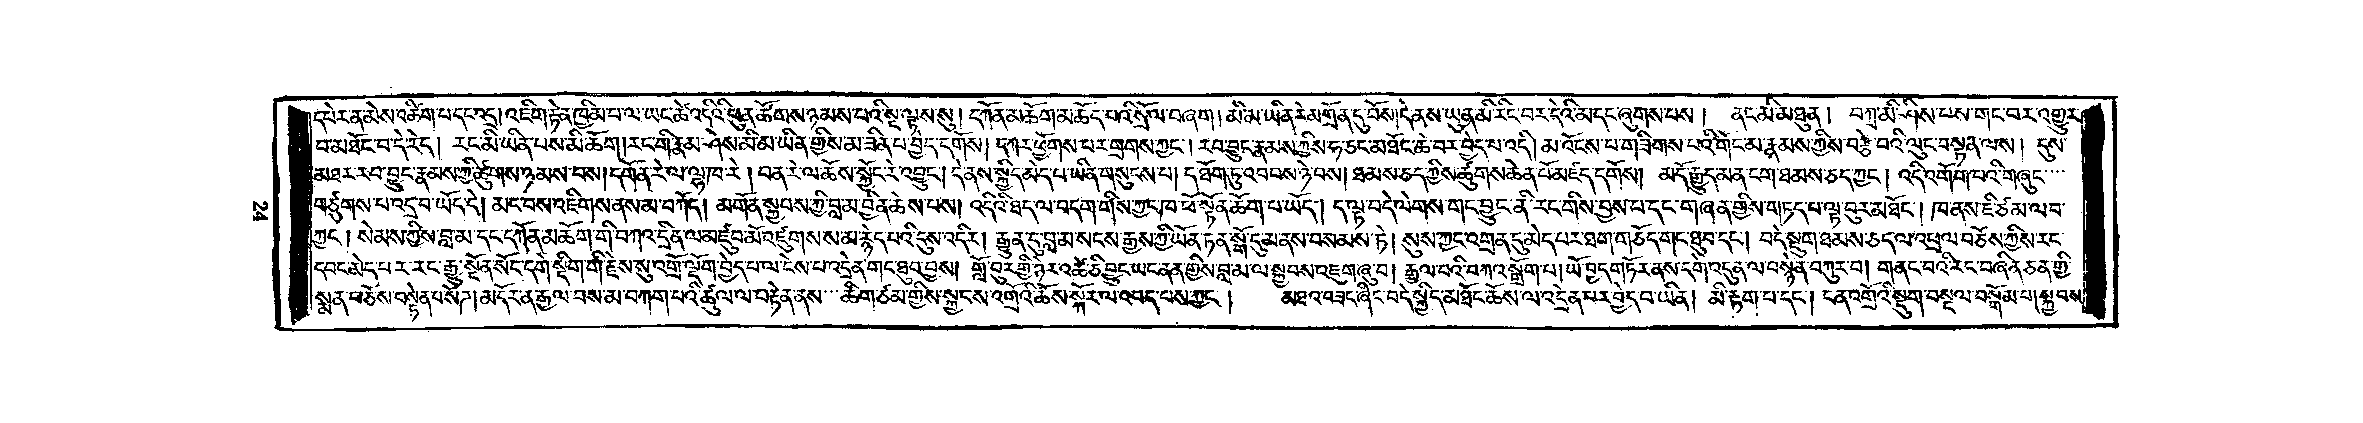དཔེར་ན་མེས་འཚིག་པ་དང་འདྲ། འཇིག་རྟེན་ཁྱིམ་པ་ལ་ཡང་ཚེ་འདིའི་ཕུན་ཚོགས་ཉམས་པའི་སྔ་ལྟས་སུ། དཀོན་མཆོག་མཆོད་པའི་སྲོལ་བཞག། མི་མ་ཡིན་རེ་མགྲོན་དུ་བོས། དེ་ནས་ཡུན་མི་རིང་བར་དེའི་མདང་ཞུགས་པས། ནང་མི་མཐུན། བཀྲ་མི་ཤིས་པས་གང་བར་འགྱུར་
བ་མཐོང་བ་དེ་རེད། རང་མི་ཡིན་པས་མི་ཆོག །རང་གི་རྣམ་ཤེས་མི་མ་ཡིན་གྱིས་མ་ཟིན་པ་བྱེད་དགོས། དཀར་ཕྱོགས་པར་གྲགས་ཀྱང་། རབ་བྱུང་རྣམས་ཀྱིས་ཧ་ཅང་མཐོང་ཆེ་བར་བྱེད་པ་འདི། མ་འོངས་པ་གཟིགས་པའི་གོང་མ་རྣམས་ཀྱིས་བརྩེ་བའི་ལུང་བསྟན་ལས། དུས་
མཐར་རབ་བྱུང་རྣམས་ཀྱི་ཚུགས་ཉམས་པས། དགོན་རེ་ལ་ལྷ་ཁ་རེ། བན་རེ་ལ་ཆོས་སྐྱོང་རེ་འབྱུང་། དེ་ནས་སྐྱིད་མེད་པ་ཡིན་གསུངས་པ། ད་ཐོག་ཏུ་འབབས་ཉེ་བས། ཐམས་ཅད་ཀྱིས་ཚུགས་ཆེན་པོ་མཛད་དགོས། མདོ་རྒྱུད་མན་ངག་ཐམས་ཅད་ཀྱང་། འདི་འགོག་པའི་གཞུང་
གཙུགས་པ་འདྲ་བ་ཡོད་དེ། མང་བས་འཇིགས་ནས་མ་བཀོད། མགོན་སྐྱབས་ཀྱི་བླ་མ་བྱིན་ཆེས་པས། འདིའི་ཐད་ལ་བདག་གིས་ཀྱང་ཁ་པོ་སྟོན་ཆོག་པ་ཡོད། ད་ལྟ་བདེ་ལེགས་གང་བྱུང་ནི་རྣག་གིས་བྱས་པ་དང་། གཞན་གྱིས་གཏད་པ་ལྟ་བུར་མཐོང་། ཁ་ནས་ཇི་ཙམ་ལབ་
ཀྱང་སེམས་ཀྱིས་བླ་མ་དང་དཀོན་མཆོག་གི་བཀའ་དྲིན་ལ་མཛུབ་མོ་འཛུགས་ས་མ་རྙེད་པའི་དུས་འདིར། རྒྱུན་དུ་བླ་མ་སངས་རྒྱས་ཀྱི་ཡོན་ཏན་སྒོ་དུ་མ་ནས་བསམས་ཏེ། སུས་ཀྱང་འགྲན་དུ་མེད་པར་ཐག་གཅོད་གང་ཐུབ་དང་། བདེ་སྡུག་ཐམས་ཅད་ལ་འཕྲལ་བཅོས་ཀྱིས་རང་
དབང་མེད་པར་རང་རྒྱུ་སྔོན་སོང་དགེ་སྡིག་གི་རྗེས་སུ་འགྲོ་ལྡོག་བྱེད་པ་ལ་ངེས་པ་འདྲེན་གང་ཐུབ་བྱས། གློ་བུར་གྱི་ཉེར་འཚེ་ཅི་བྱུང་ཡང་ནན་གྱིས་བླ་མ་ལ་སྐྱབས་འཇུག་ཞུ་བ། རྒྱལ་བའི་བཀའ་སྒྲོག་པ། ཡོ་བྱད་གཏོར་ནས་དགེ་འདུན་ལ་བསྙེན་བཀུར་བ། གནང་བའི་རང་བཞིན་ཅན་གྱི་
སྨན་བཅོས་བསྟེན་པ་སོགས། མདོར་ན་རྒྱལ་བས་མ་བཀག་པའི་ཚུལ་ལ་བརྟེན་ནས་ཚིག་ཙམ་གྱིས་སྐྱབས་འགྲོའི་ཆོས་སྐོར་ལ་འབད་པས་ཀྱང་། མཐའ་བཟང་ཞིང་བདེ་སྐྱིད་མཐོང་ཆོས་ལ་འདྲེན་པར་བྱེད་པ་ཡིན། མི་རྟག་པ་དང་། ངན་འགྲོའི་སྡུག་བསྔལ་བསྒོམ་པ། སྐྱབས་